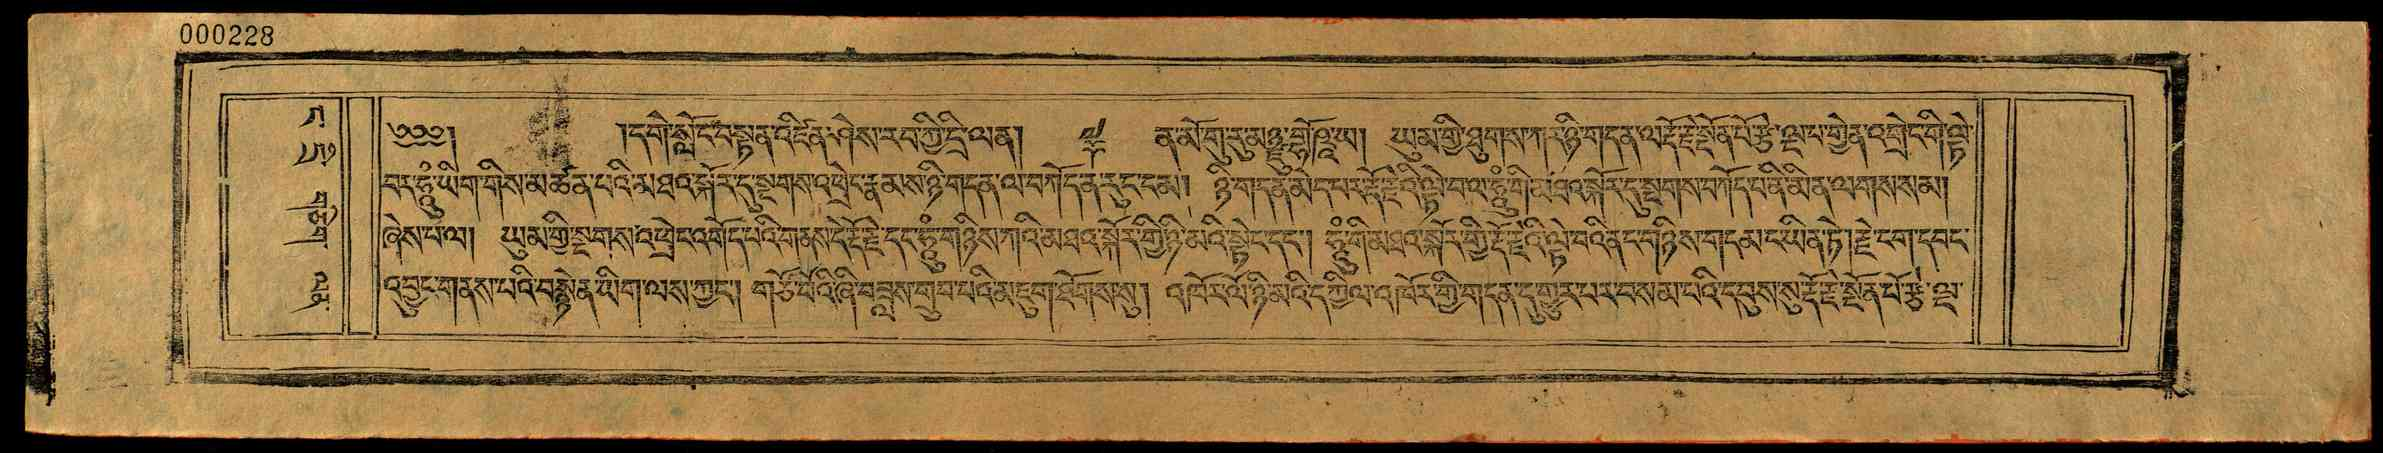༄༅༅། །དགེ་སློང་བསྟན་འཛིན་ཤེས་རབ་ཀྱི་དྲི་ལན། ༈ ན་མོ་གུ་རུ་མཉྫུ་གྷོཥཱ་ཡ། ཡུམ་གྱི་ཐུགས་ཀར་ཉི་གདན་ལ་རྡོ་རྗེ་སྔོན་པོ་རྩེ་ལྔ་པ་གྱེན་འགྲེང་གི་ལྟེ་
བར་ཧཱུཾ་ཡིག་གིས་མཚན་པའི་མཐའ་སྐོར་དུ་སྔགས་འཕྲེང་རྣམས་ཉི་གདན་ལ་བཀོད་ན་རུང་ངམ། ཉི་གདན་མེད་པར་རྡོ་རྗེའི་ལྟེ་བ་ལ་ཧཱུཾ་གི་མཐའ་སྐོར་དུ་སྔགས་བཀོད་པ་ནི་མིན་ལགས་སམ།
ཞེས་པ་ལ། ཡུམ་གྱི་སྔགས་འཕྲེང་འགོད་པའི་གནས་དེ་རྡོ་རྗེ་དང་ཧཱུཾ་གཉིས་ཀའི་མཐའ་སྐོར་གྱི་ཉི་མའི་སྟེང་དང་། ཧཱུཾ་གི་མཐའ་སྐོར་གྱི་རྡོ་རྗེའི་ལྟེ་བའི་ནང་གཉིས་གདམ་ང་ཡིན་ཏེ། རྗེ་ངག་དབང་
འབྱུང་གནས་པའི་བསྙེན་ཡིག་ལས་ཀྱང་། གཙོ་བོའི་ཞི་བཟླས་གྲུབ་པའི་མཇུག་ཐོགས་སུ། འཁོར་ལོ་ཉི་མའི་དཀྱིལ་འཁོར་གྱི་གདན་དུ་གྱུར་བར་བསམ་པའི་དབུས་སུ་རྡོ་རྗེ་སྔོན་པོ་རྩེ་ལྔ་